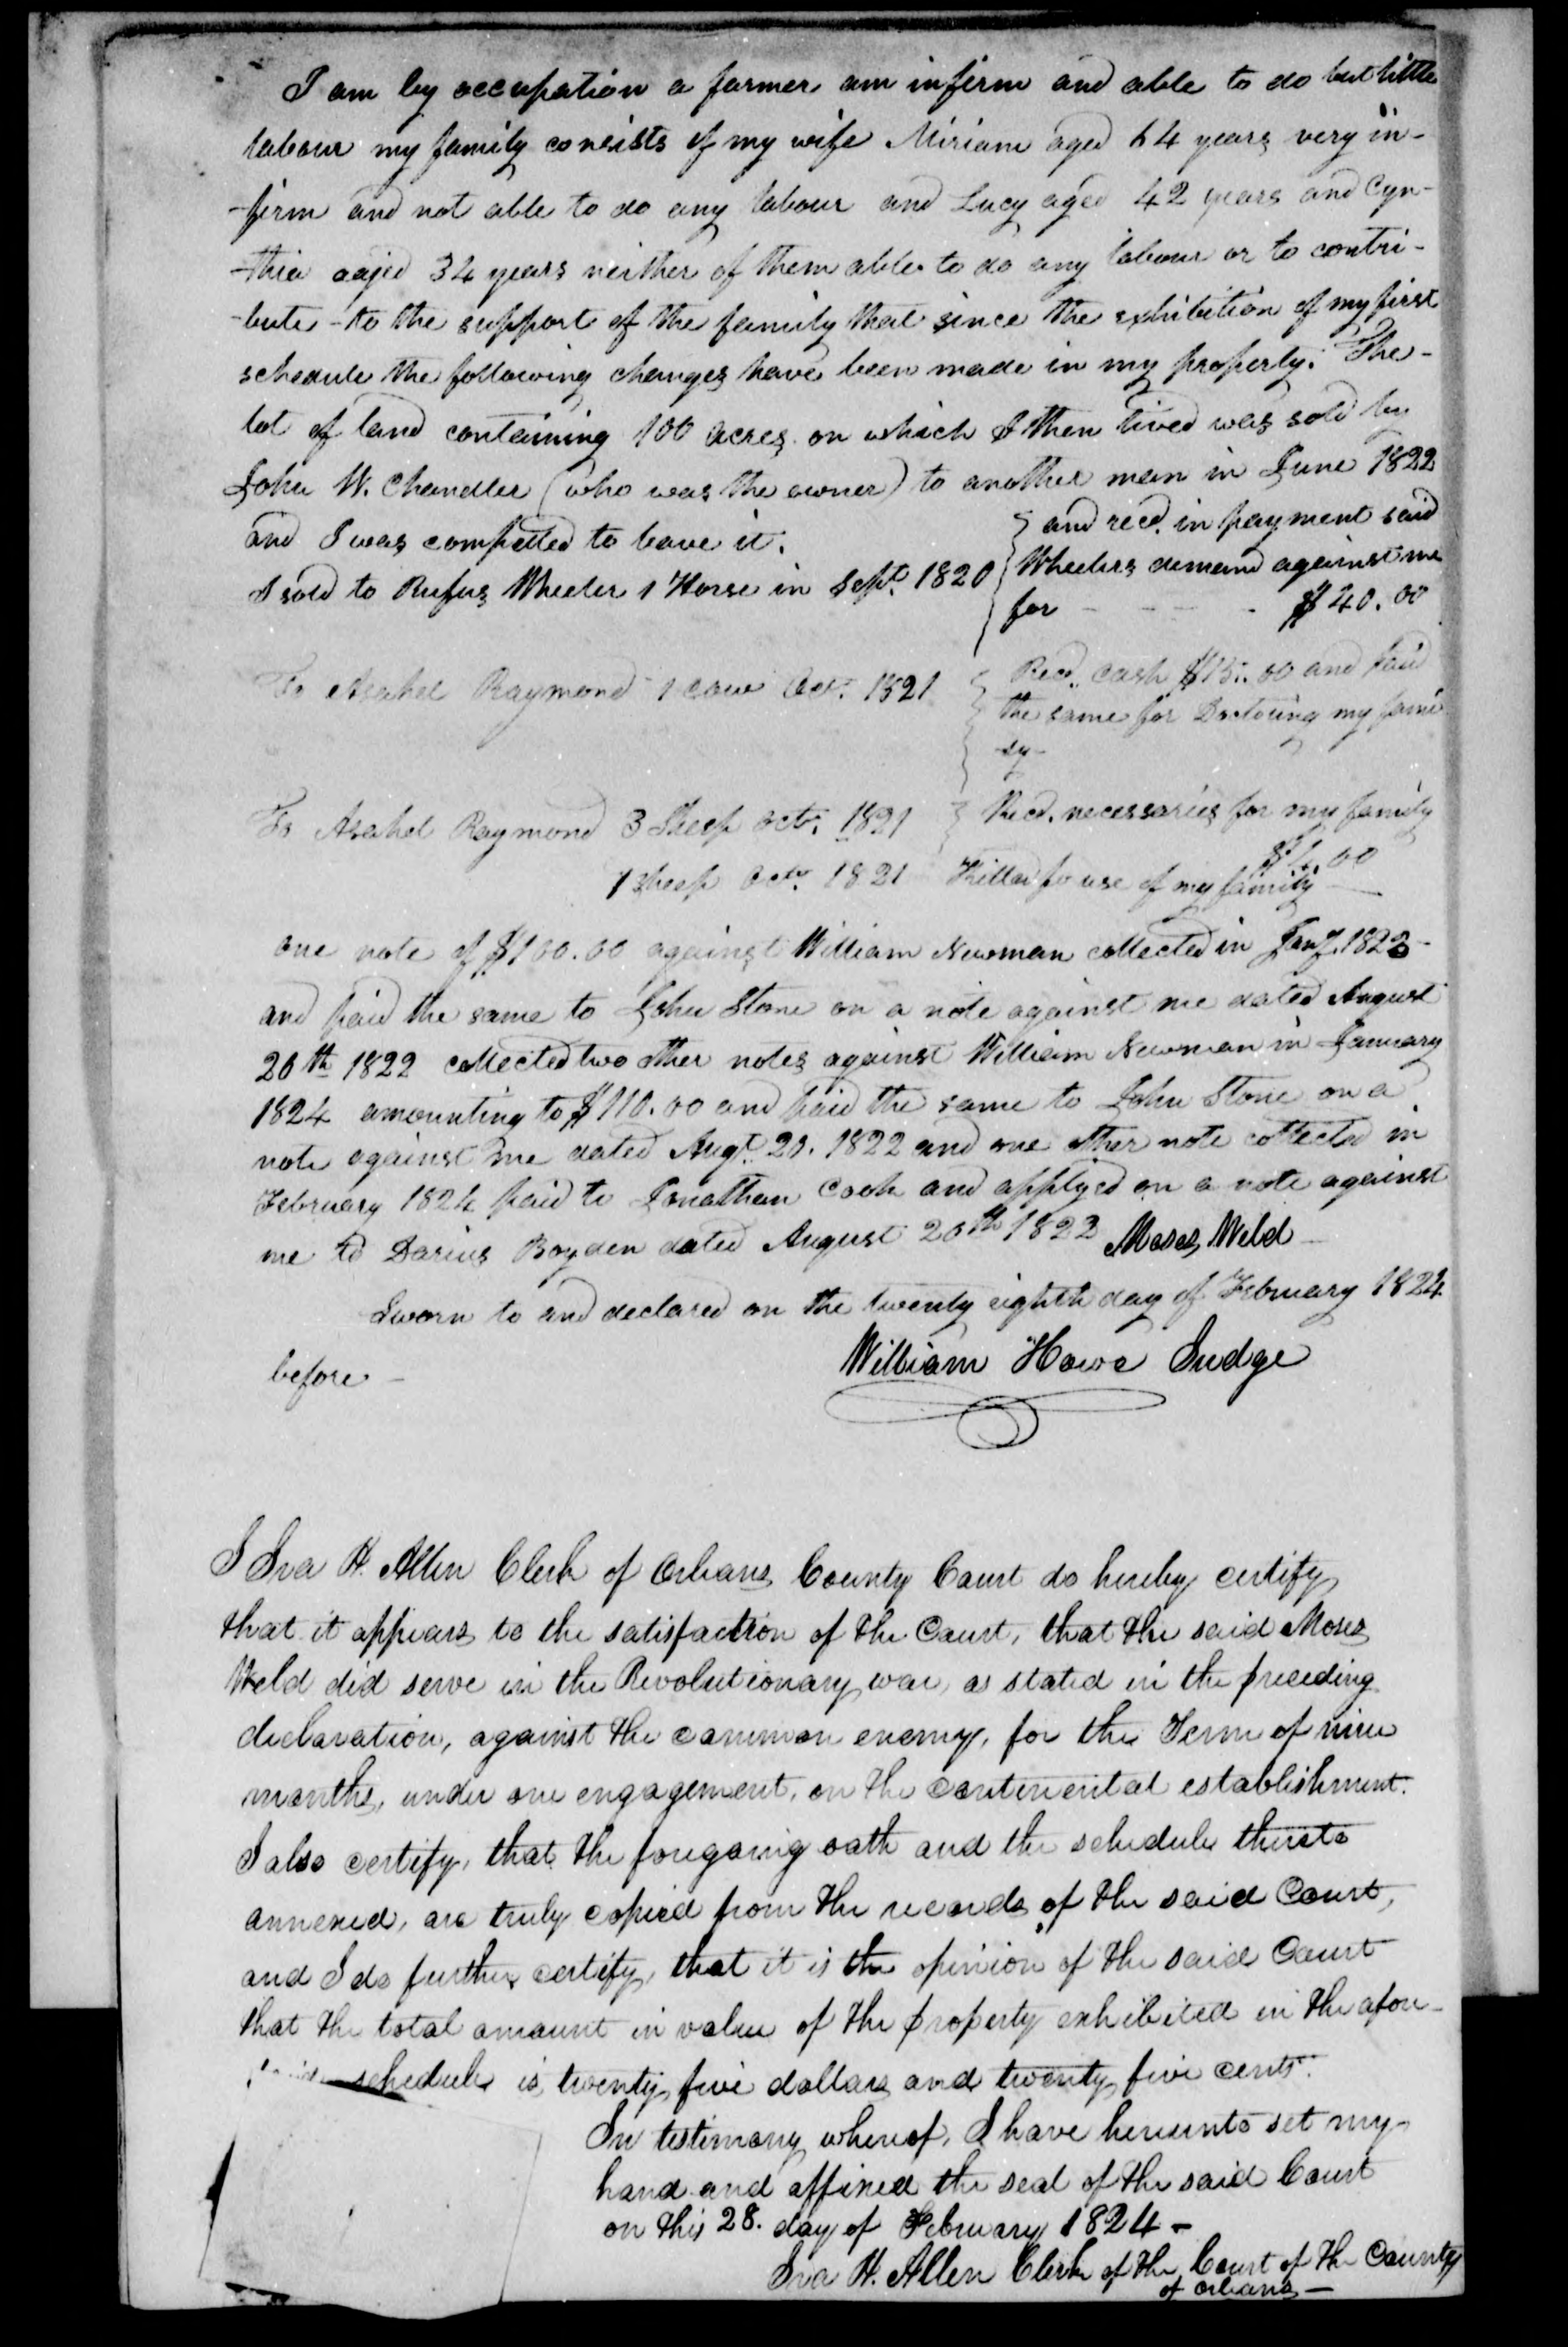I am by occupation a farmer and infirm and able to do but little labour  my family consists of my wife Miriam aged 64 years very infirm and not able to do any labour and Lucy aged 42 years and Cynthia aged 34 years neither of them able to do any labour or to contribute
to the support of the family that since the exhibition of my first schedule the following changes have been made in my property. The
lot of land containing 100 acres on which I then lived was sold by John W. Chandler (who was the owner) to another man in June 1822
and I was compelled to leave it.
---
I sold to Rufus Wheeler 1 Horse in Sept 1820 and recd in payment said Wheelers demand against me for $40.00
To Asahel Raymond 1 cow Octr 1821
Recd Cash $15.00 and paid
the same for Doctoring my family
To Asahel Raymond 3 Sheep Oct 1821, Recd necessaries for my family, 1 sheep Oct 1821, Killed for use of my family  $4.00
One note of $100.00 against William Newman collected in Jany. 1823 and paid the same to John Stone on a note against me dated August
26th 1822 
Collected two other notes against William Newman in January 1824 amounting to $110.00 and paid the same to John Stone on a
note against me dated Augt 20, 1822 and one other note collected in February 1824 paid to Jonathan Cook and applyed on a note against
me to Darius Boyden dated August 20th 1822 Moses Weld
Sworn to and declared on the twenty eighth day of February 1824
before
William Howe Judge
I Ira H Allen Clerk of Orleans County Court do hereby certify that it appears to the satisfaction of the Court, that the said Moses
Weld did serve in the Revolutionary war, as stated in the preceding declaration, against the common enemy, for the Term of nine
months, under one engagement, on the continental establishment.  I also certify, that the foregoing oath and the schedule thereto
annexed, are truly copied from the records of the said Court, and I do further certify, that it is the opinion of the said Court that the total amount in value of the property exhibited in the aforesaid schedule is twenty five dollars and twenty five cents.
In testimony whereof, I have hereunto set my hand and affixed the seal of the said Court
on this 28 day of February 1824 -
Ira H Allen Clerk of the Court of the County of Orleans.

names: William Howe, John Stone, Lucy, Ira H Allen, Moses Weld, Rufus Wheeler, Asahel Raymond, Jonathan Cook, Cynthia, John W Chandler, William Newman, Darius Boyden, Miriam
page: 83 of 87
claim: widow's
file: W. 25,966, Moses Weld, Mass.